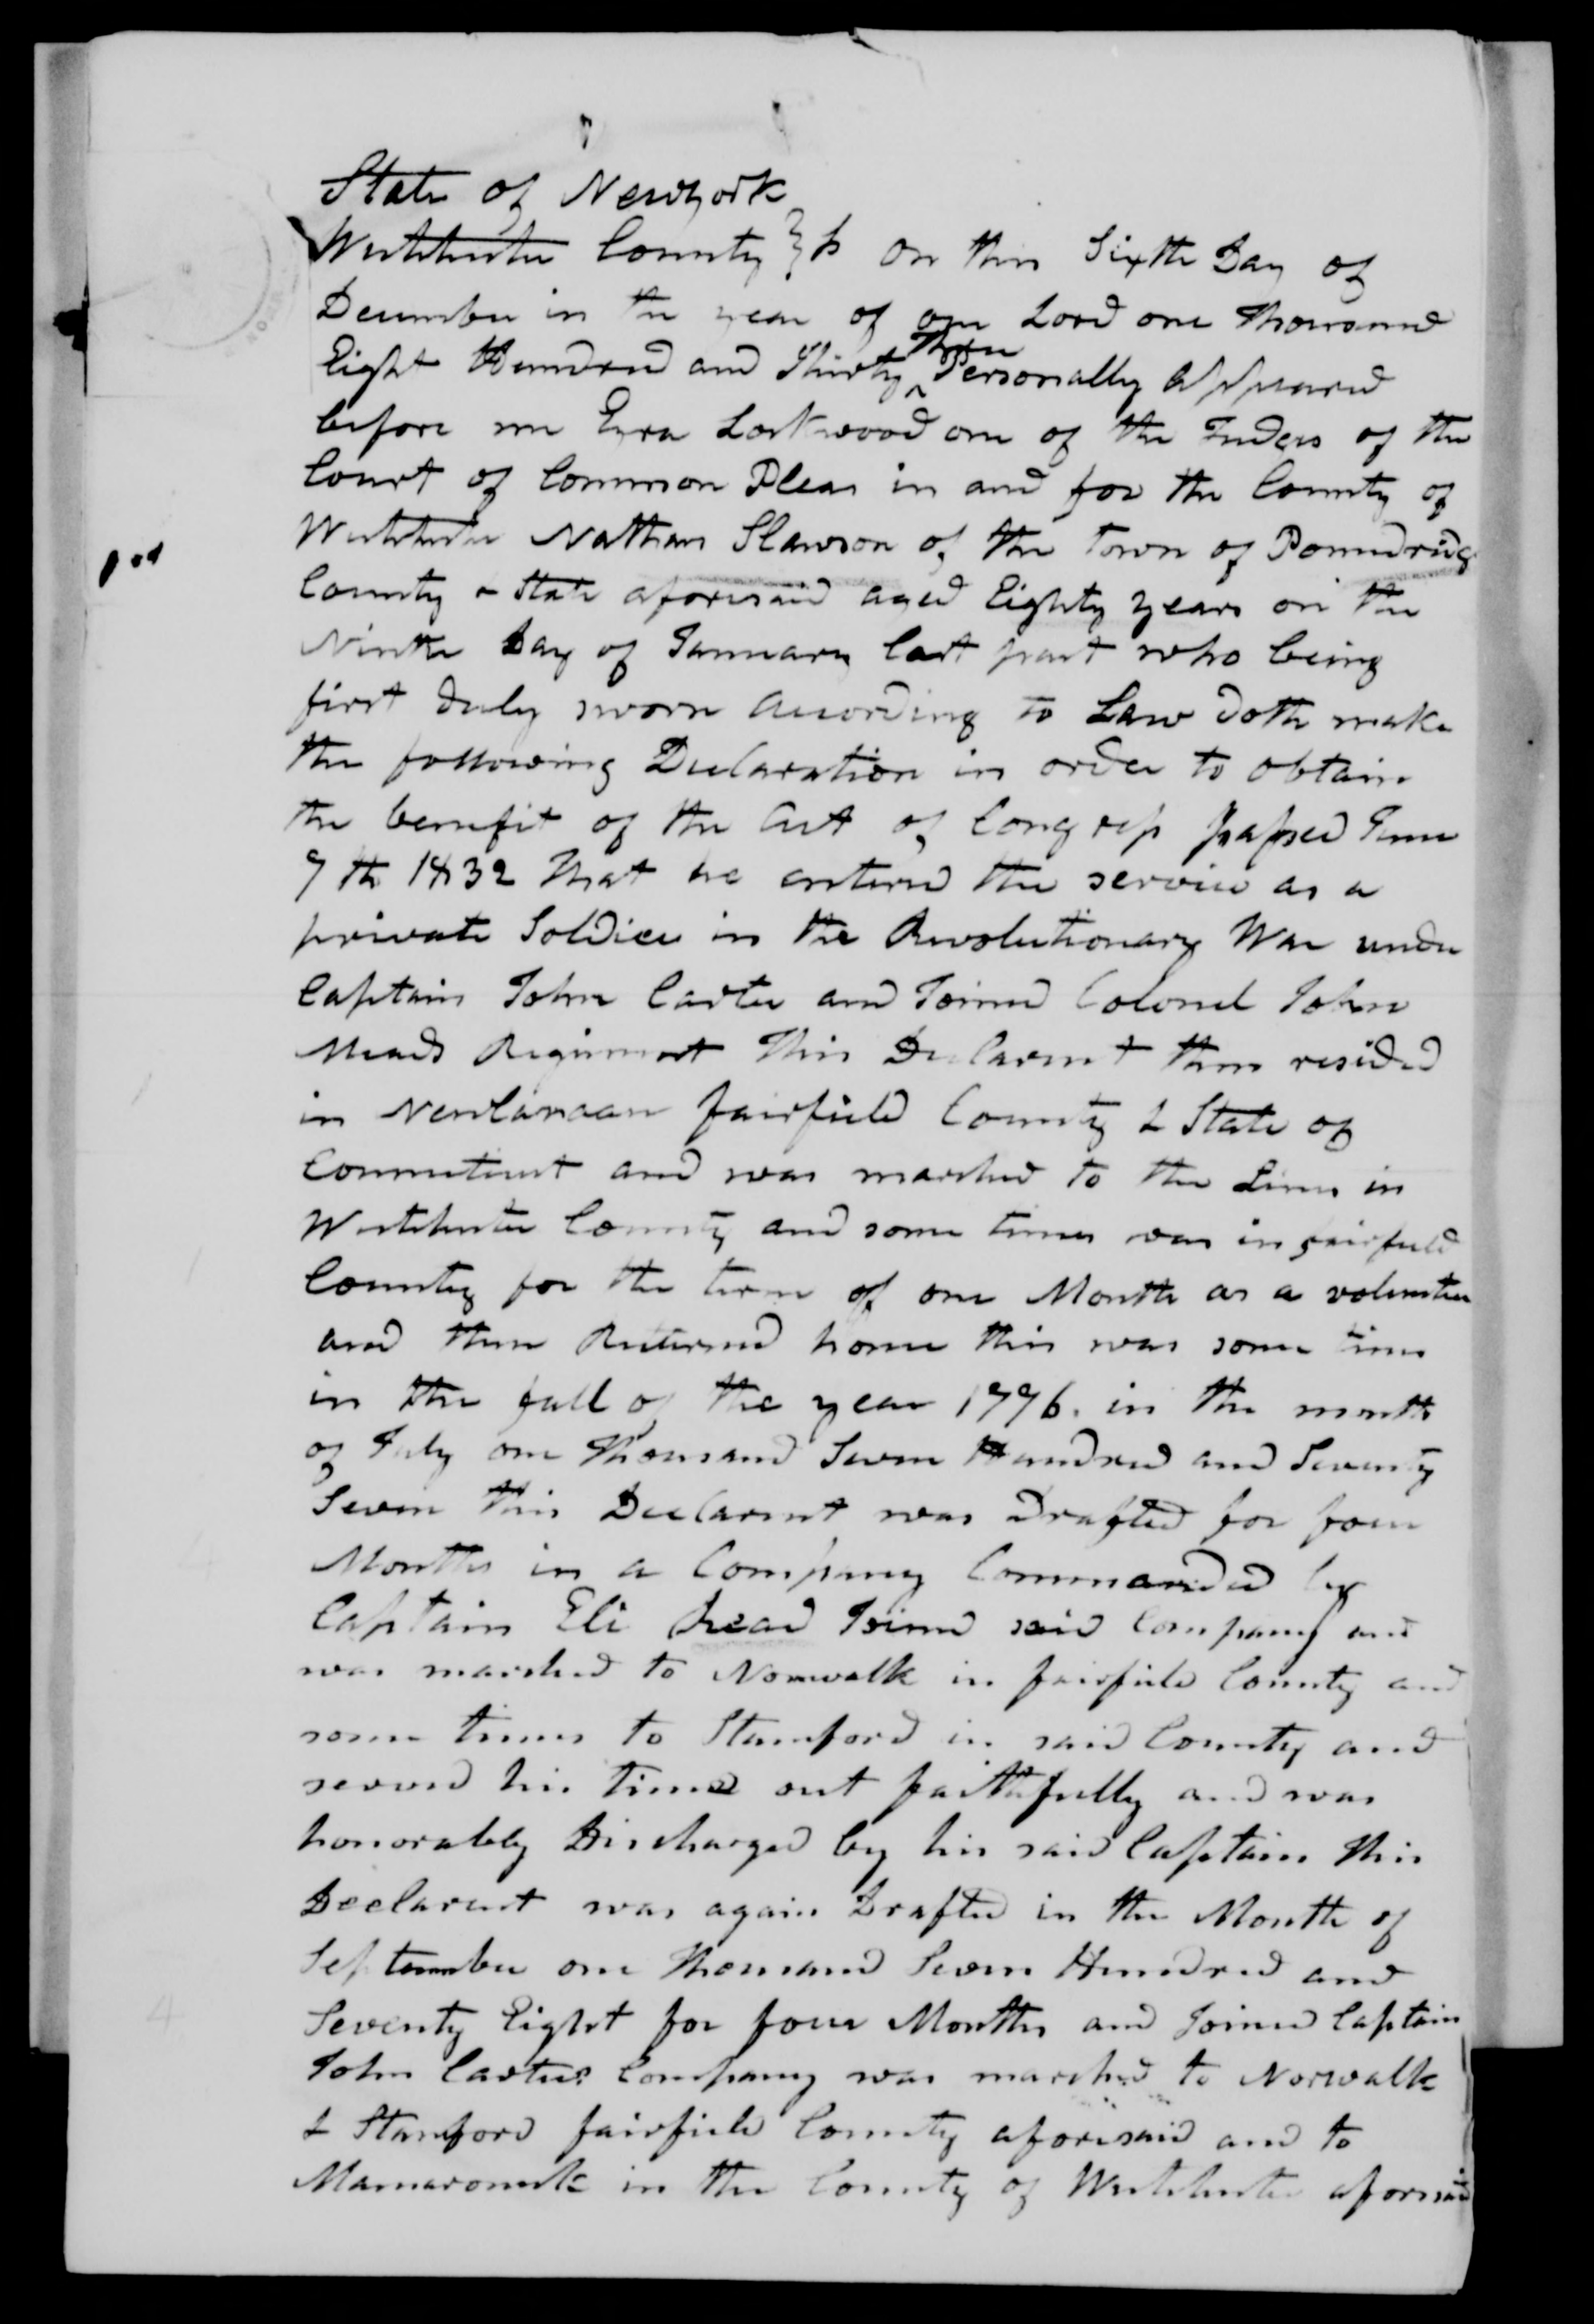State of New York 
Westchester County }ss On this sixth day of December in the year of our Lord one Thousand Eight Hundred and Thirty Three  Personally appeared before me Ezra Lockwood one of the Judges of the Court of Common Pleas in and for the County of Westchester Nathan Slawson of the town of Pound ridge County & State aforesaid aged Eighty years on the Ninth day of January last past who being first duly sworn according to Law doth make the following Declaration in order to obtain the benefit of the act of Congress passed June 7th 1832.    That he entered the service as a private Soldier in the Revolutionary War under Captain John Carter and Lieut Colonel John Meads Regiment this declarant then resided in New Caanan Fairfield County & State of Connecticut and was marched to the Lines in Westchester County and some times was in Fairfield County for the term of one month as a volunteer and then returned home this was some time in the fall of the year 1776.  In the month of July one thousand Seven Hundred and Seventy seven this Declarant was drafted for four Months in a company commanded by Captain Eli Read in said Company and was marched to Norwalk in Fairfield County some times to Stamford in said County and served his time out faithfully and was honorably discharged by his said Captain.   This Declarant was again drafted in the month of September one thousand Seven Hundred and Seventy Eight for four months and joined Captain John Carters Company was marched to Norwalk & Stamford Fairfield County aforesaid and to Mamaroneck in the County of Westchester aforesaid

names: Nathan Slawson; John Carter; Eli Read; Ezra Lockwood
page: 5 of 87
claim: widow's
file: W. 22,226, for Nathan Slawson, Connecticut